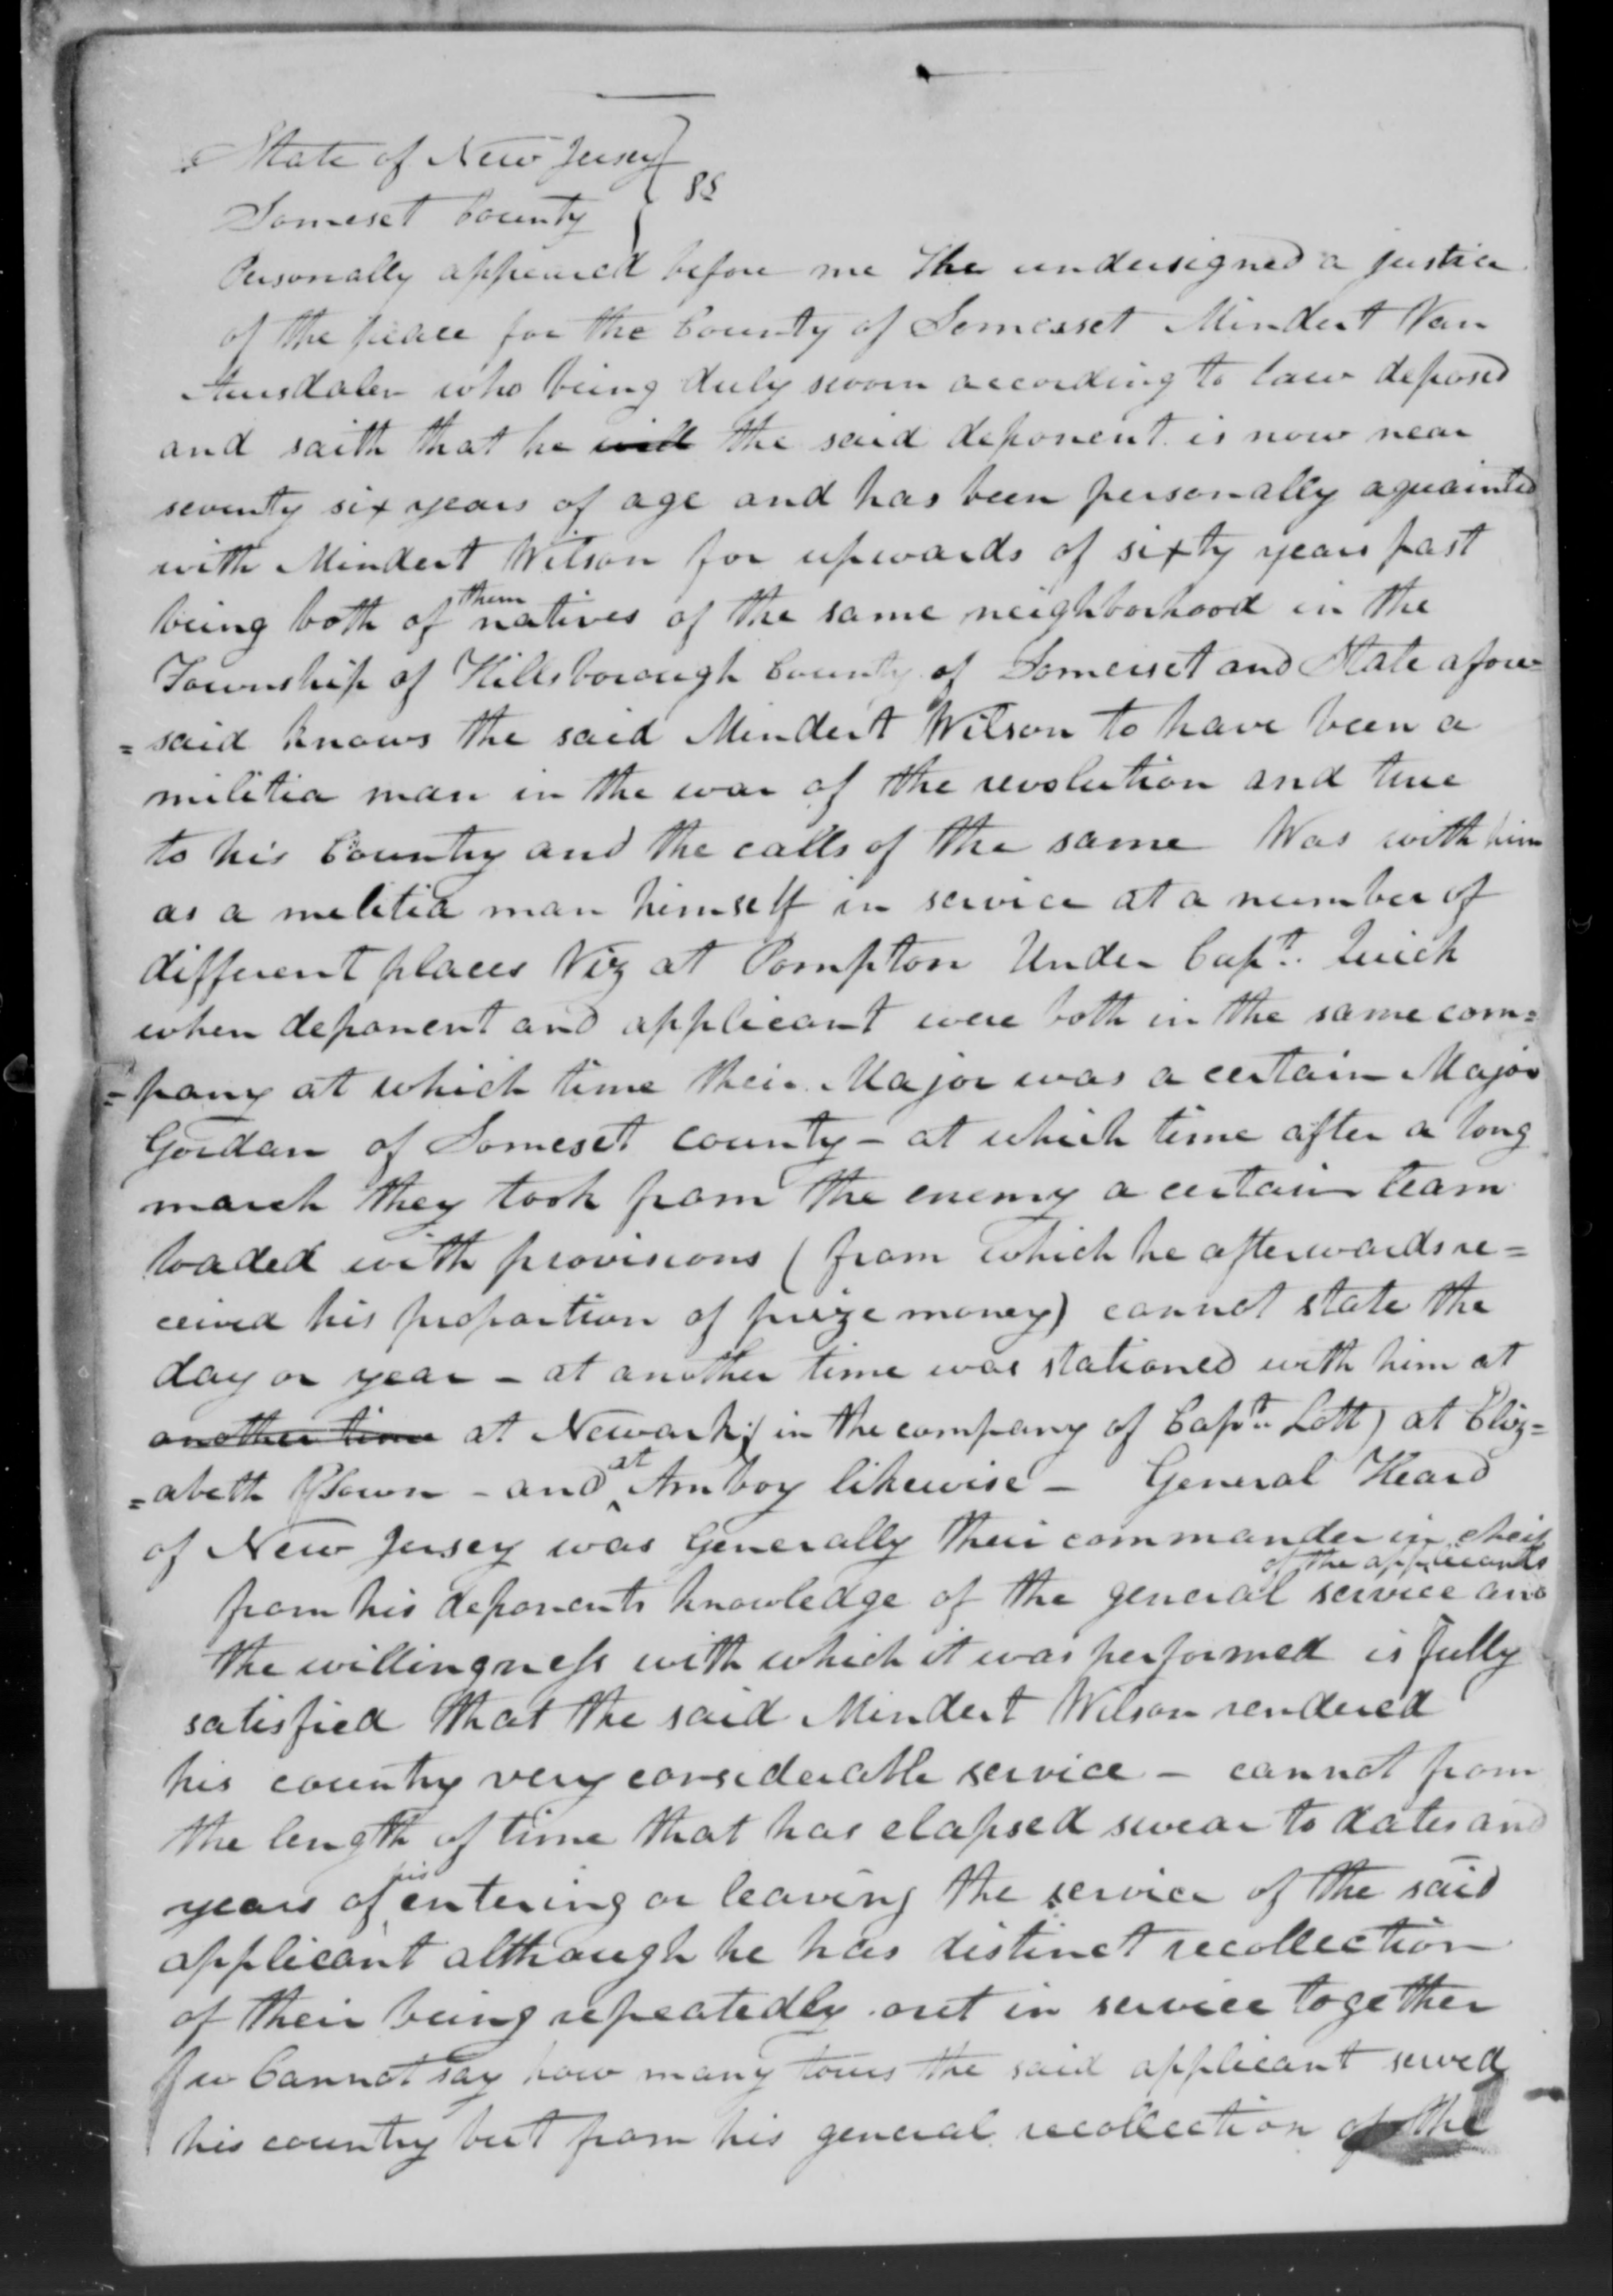State of New Jersey
Somerset County } ss

Personally appeared before me the undersigned a justice of the peace for the County of Somerset Mindert Van Arsdalen who being duly sworn according to law deposed and saith that he the said deponent is now near seventy six years of age and has been personally acquainted with Mindert Wilson for upwards of sixty years past being both of ^them natives of the same neighborhood in the Township of Hillsborough County of Somerset and State aforesaid knows the said Mindert Wilson to have been a militia man in the war of the revolution and true to his Country and the calls of the same Was with him as a militia man himself in service at a number of different places Viz at Pompton Under Cap't Quick when deponent and applicant were both in the same company at which time their Major was a certain Major Gordan of Somerset County, at which time after a long march they took from the enemy a certain team loaded with provisions (from which he afterwards received his proportion of prize money) cannot state the day or year -- at another time was stationed with him at at Newark in the company of Cap't Lott) at Elizabeth Town and ^at Amboy likewise -- General Heard of New Jersey was generally their commander in cheif from his deponents knowledge of the general service ^of the applicant and the willingness with which it was performed is fully satisfied that the said Mindert Wilson rendered his country very considerable service -- cannot from the length of time that has elapsed swear to dates and years of ^his entering or leaving the service of the said applicant although he has distinct recollection of their being repeatedly out in service together [illegible] cannot say how many tours the said applicant served his country but from his general recollection of the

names: Heard, Gordan, Lott, Quick, Mindert Wilson, Mindert Van Aursdalen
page: 32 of 40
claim: survivor's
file: S. 3564, Mindart Wilson, New Jersey